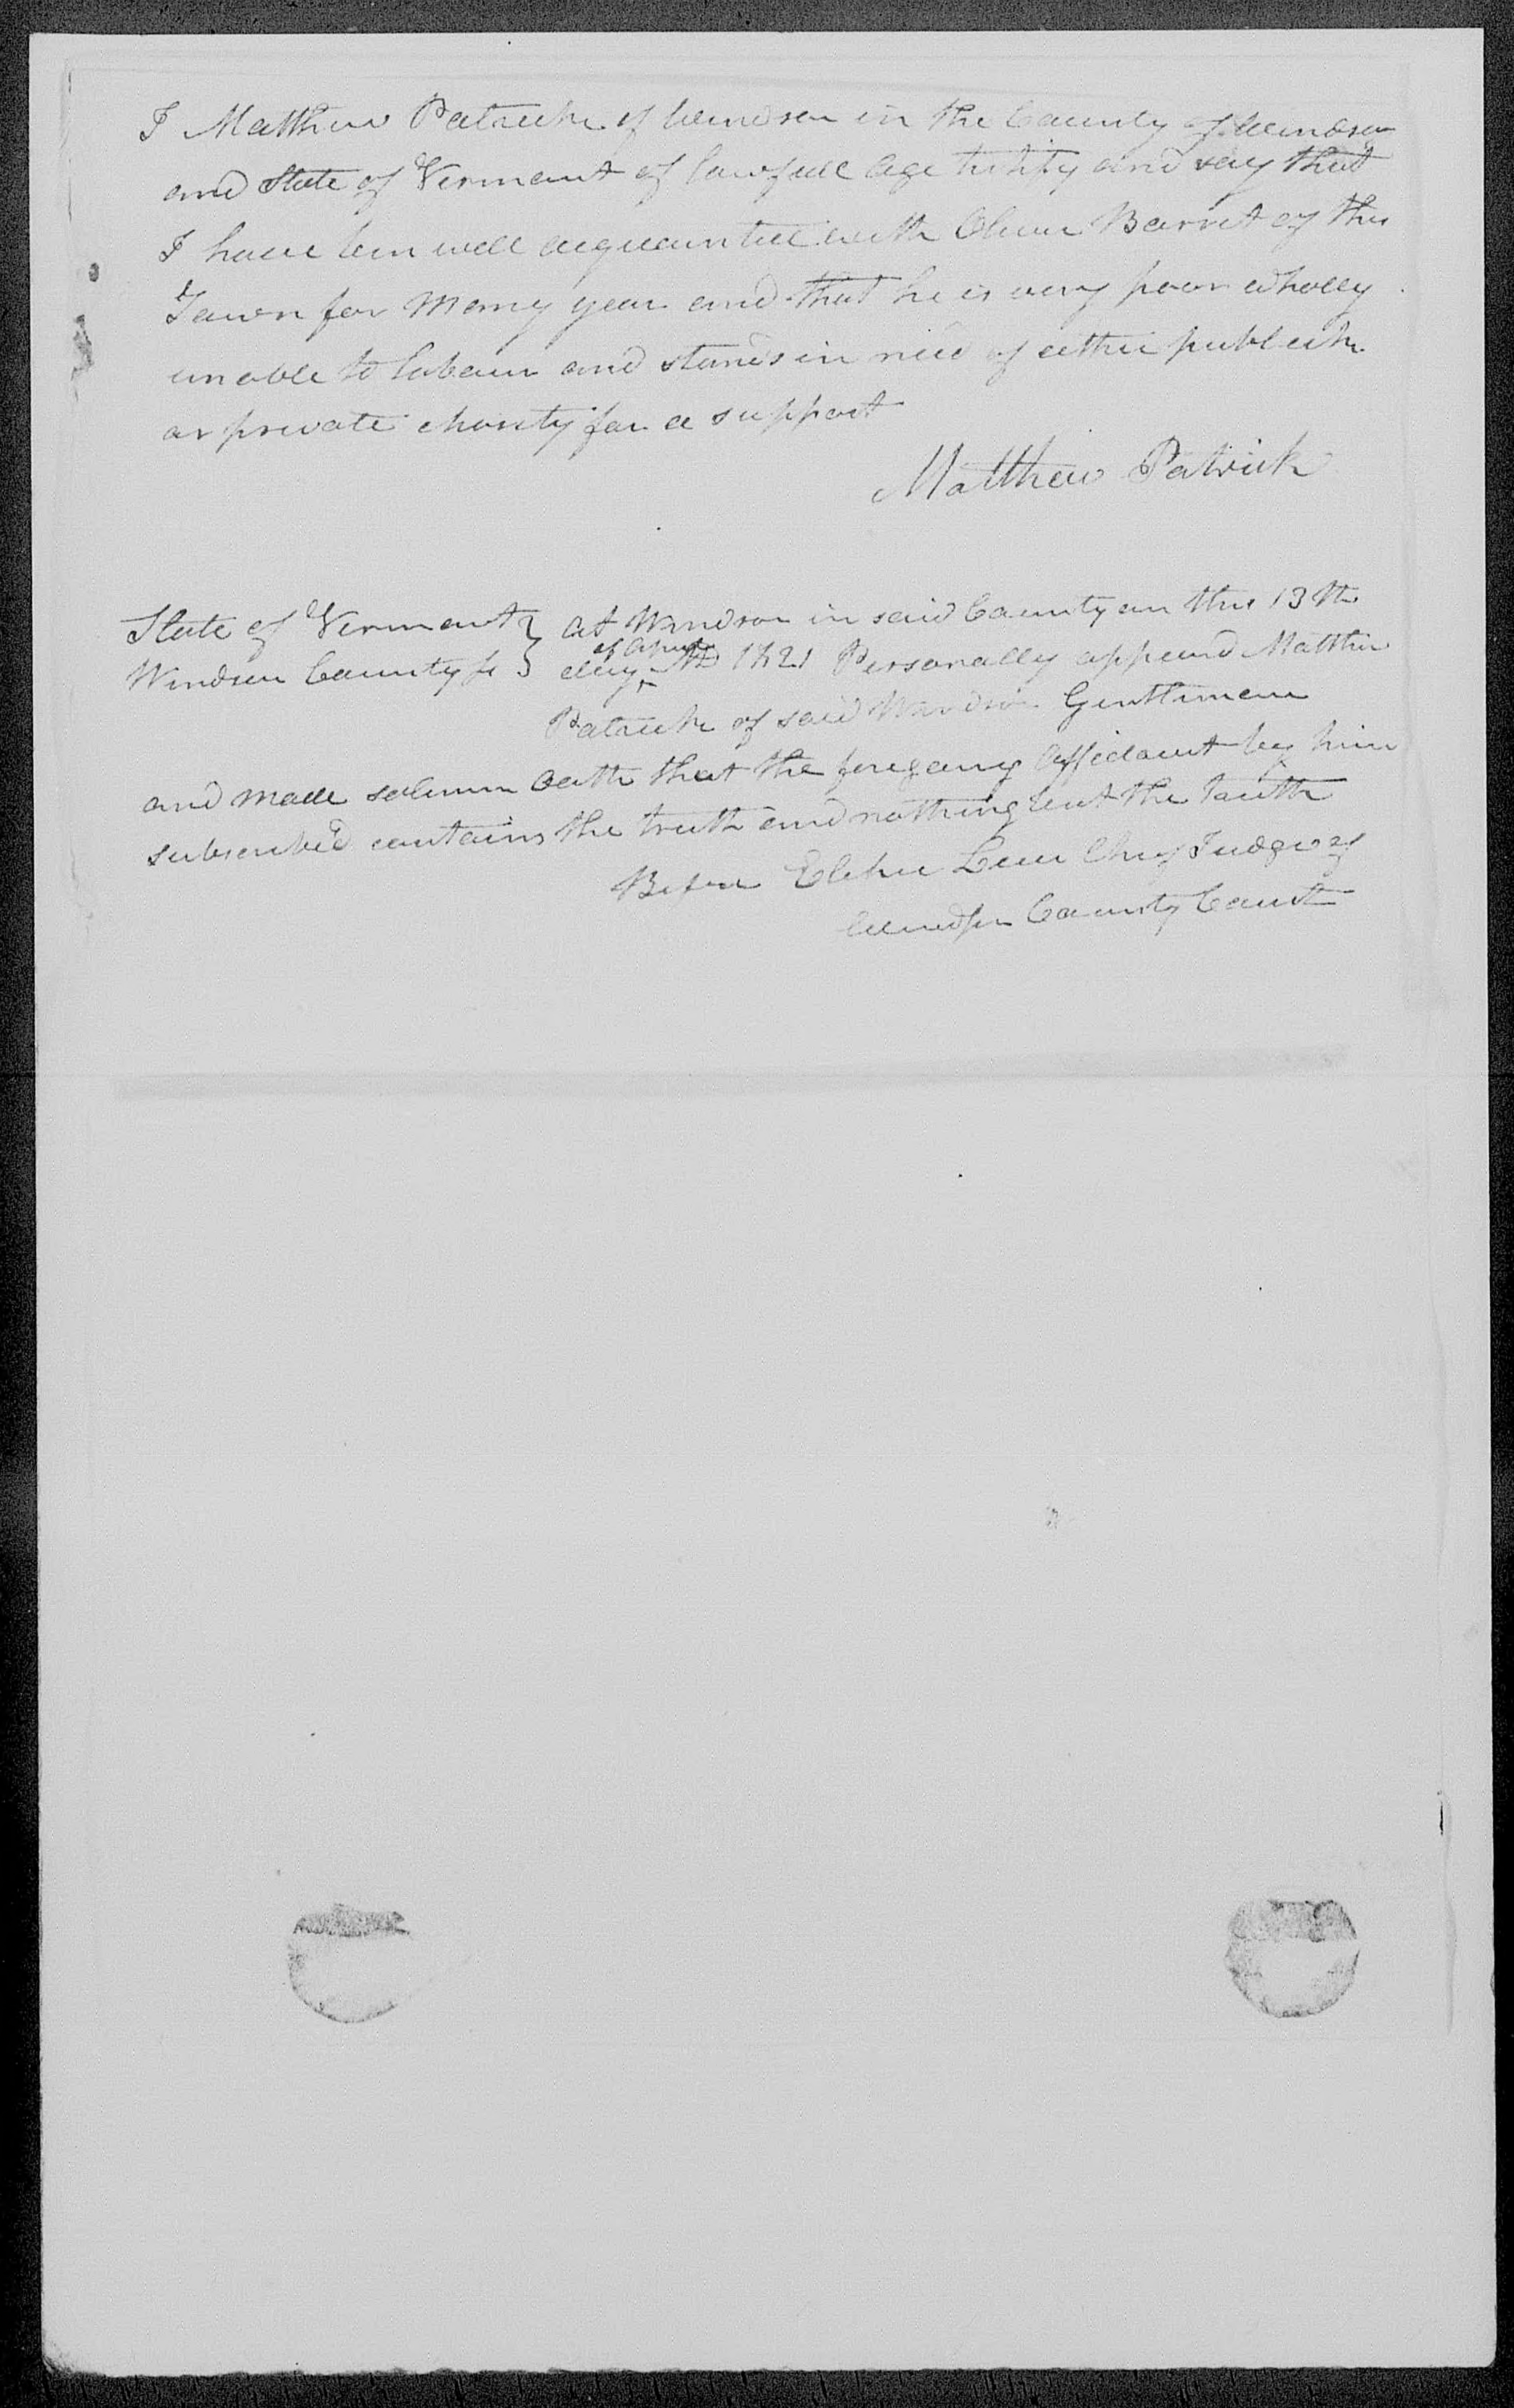I Matthew Patrick of Windsor in the County of Windsor and State of Vermont of lawful age testify and say that I have been well acquainted with Oliver Barret of this town for many year and that he is very poor wholly unable to labor and stands in need of either public or private charity for a support.
Matthew Patrick

State of Vermont
Windsor County ss} At Windsor in said County on this 13th day of April 1821 personally appeared Matthew Patrick of said Windsor Gentleman and made solemn oath that the foregoing affidavit by him subscribed contains the truth and nothing but the truth.
Before Elihu Luc Chief Judge of
Windsor County Court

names: Matthew Patrick, Oliver Barret, Matthew Patrick, Matthew Patrick, Elihu Luce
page: 30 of 83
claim: widow's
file: W. 10,384, Oliver Barrett, Continental (Vt.) N.Y.